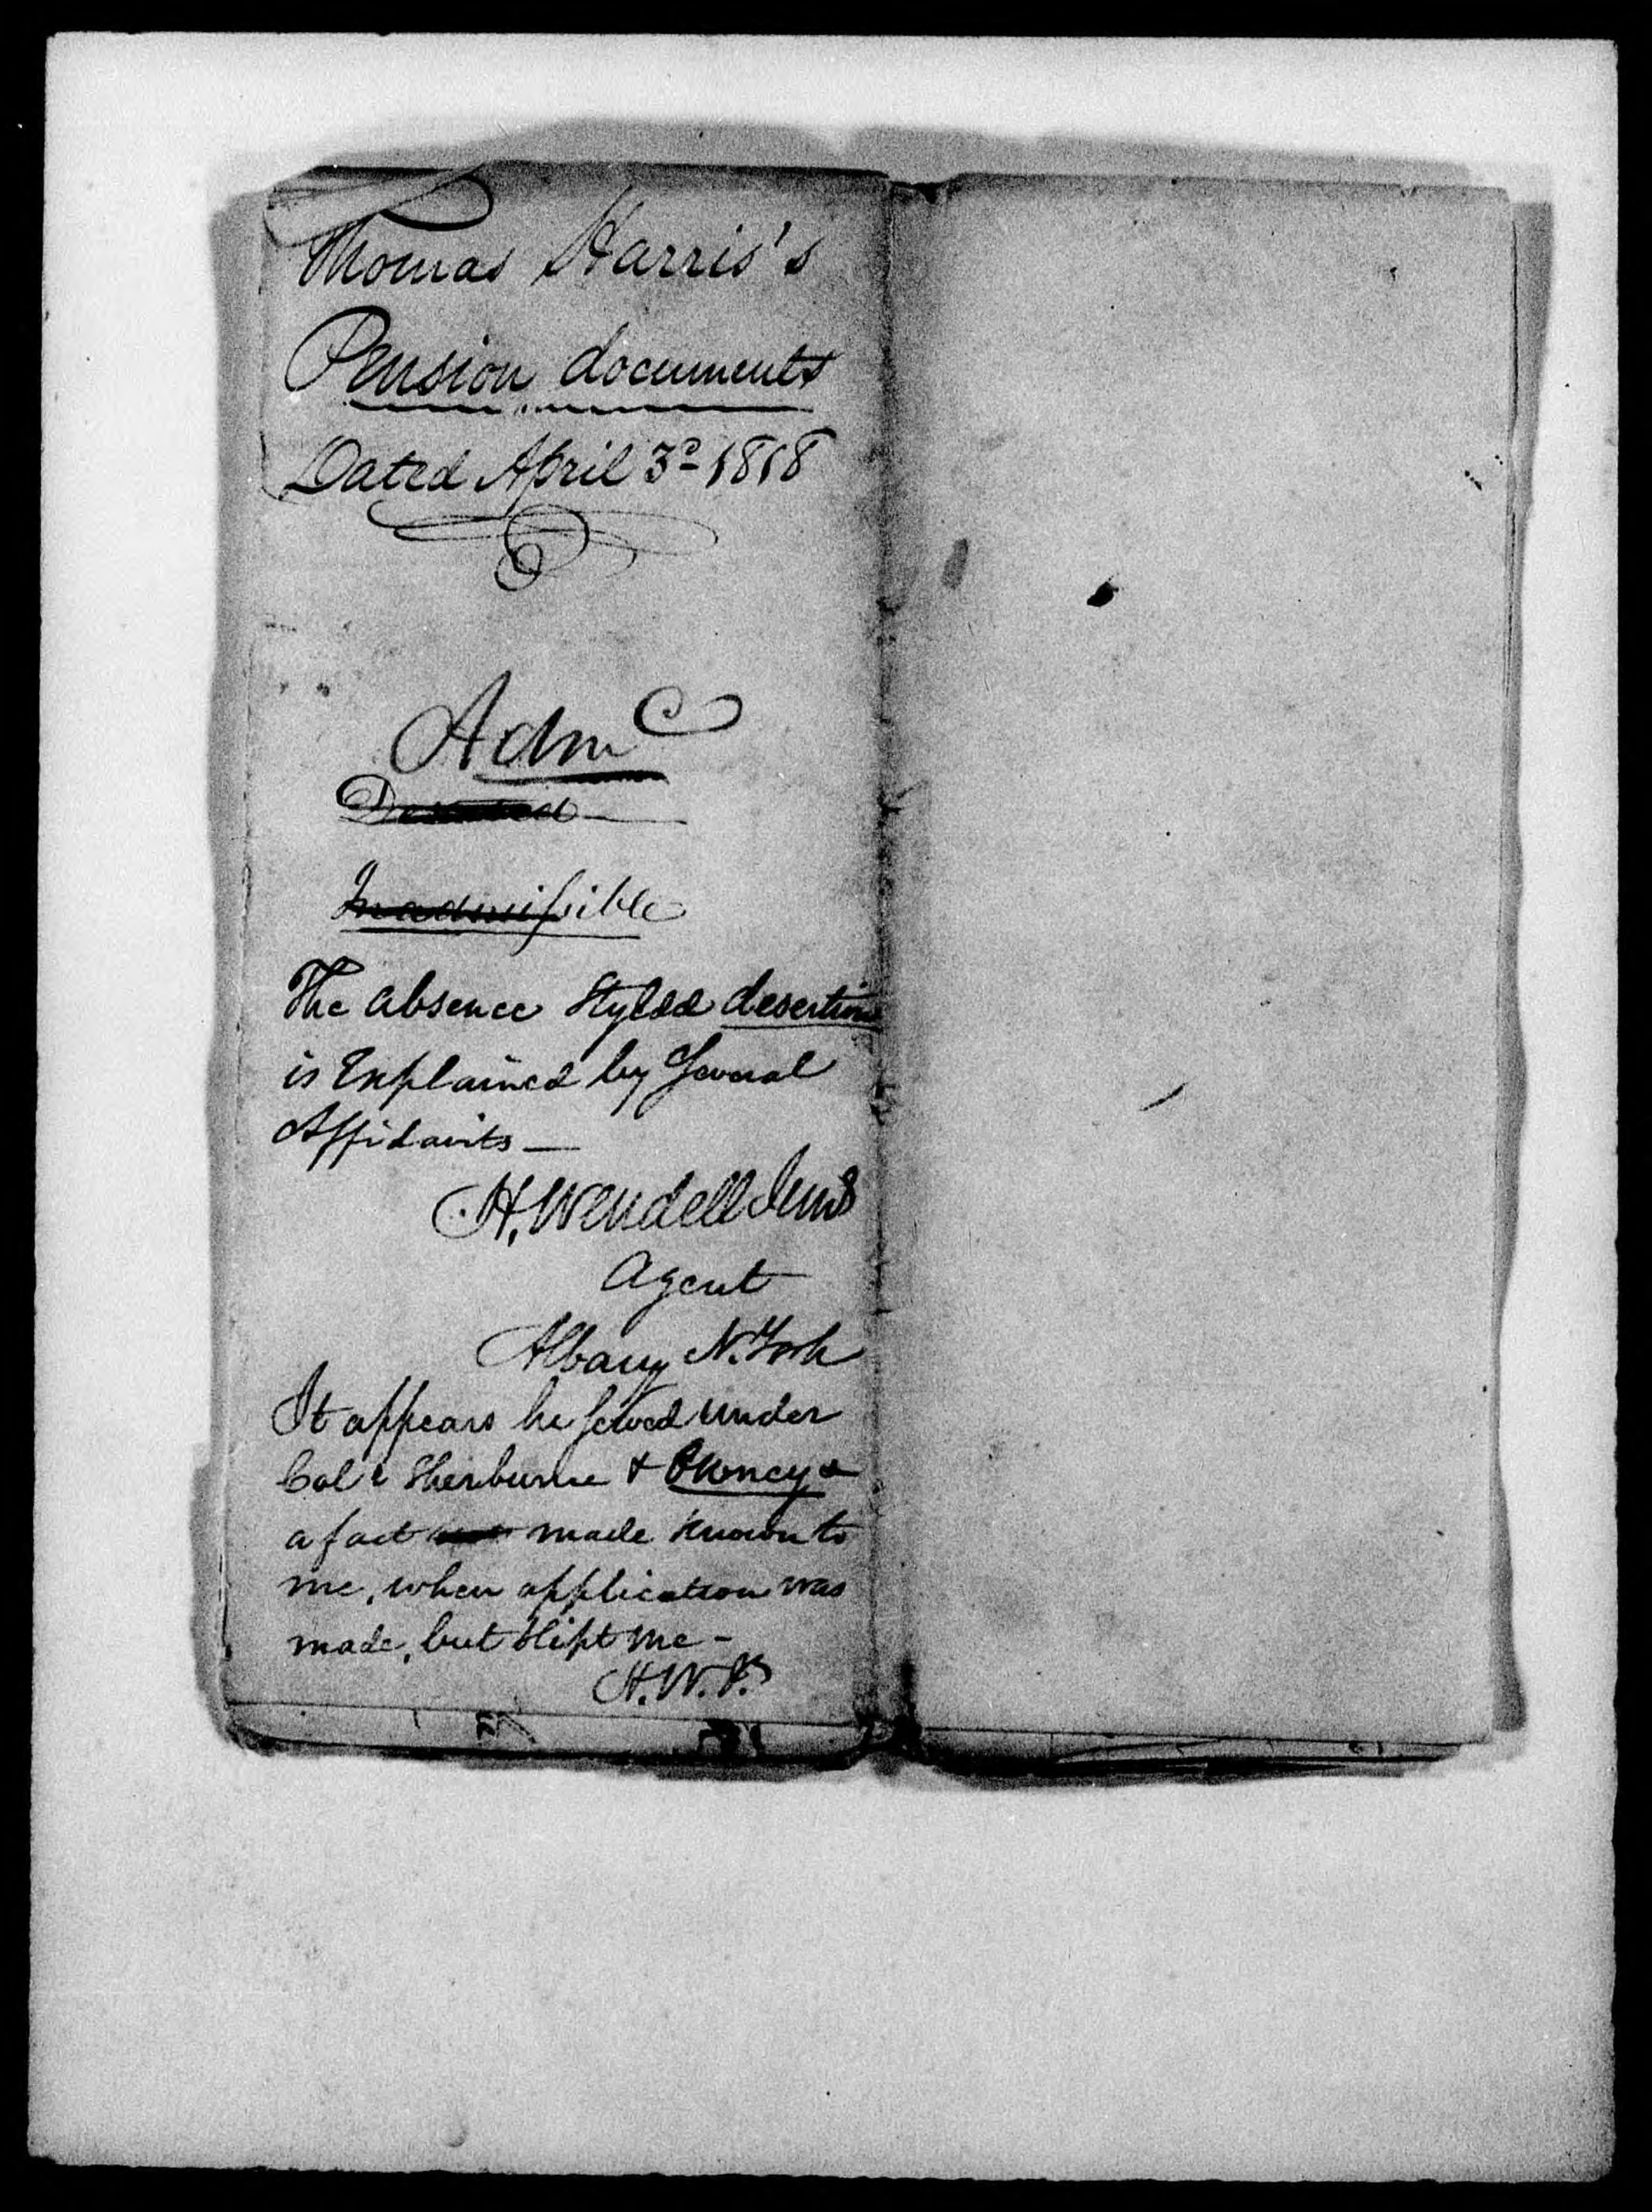Thomas Harris's Pension documents dated April 3d 1818 
Admd
The absence Styled deserion is explained by several affidavits H. Wendell Junr. Agent Albany N. York
It appears he served under Cole Sherburne & Olney & a fact made known to me, when application was made but [illegible] me. H.W. Jr.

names: Sherburne, Thomas Harris, H Wendell, Owney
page: 11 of 16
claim: survivor's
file: S. 38815, Thomas Harris, R.I.